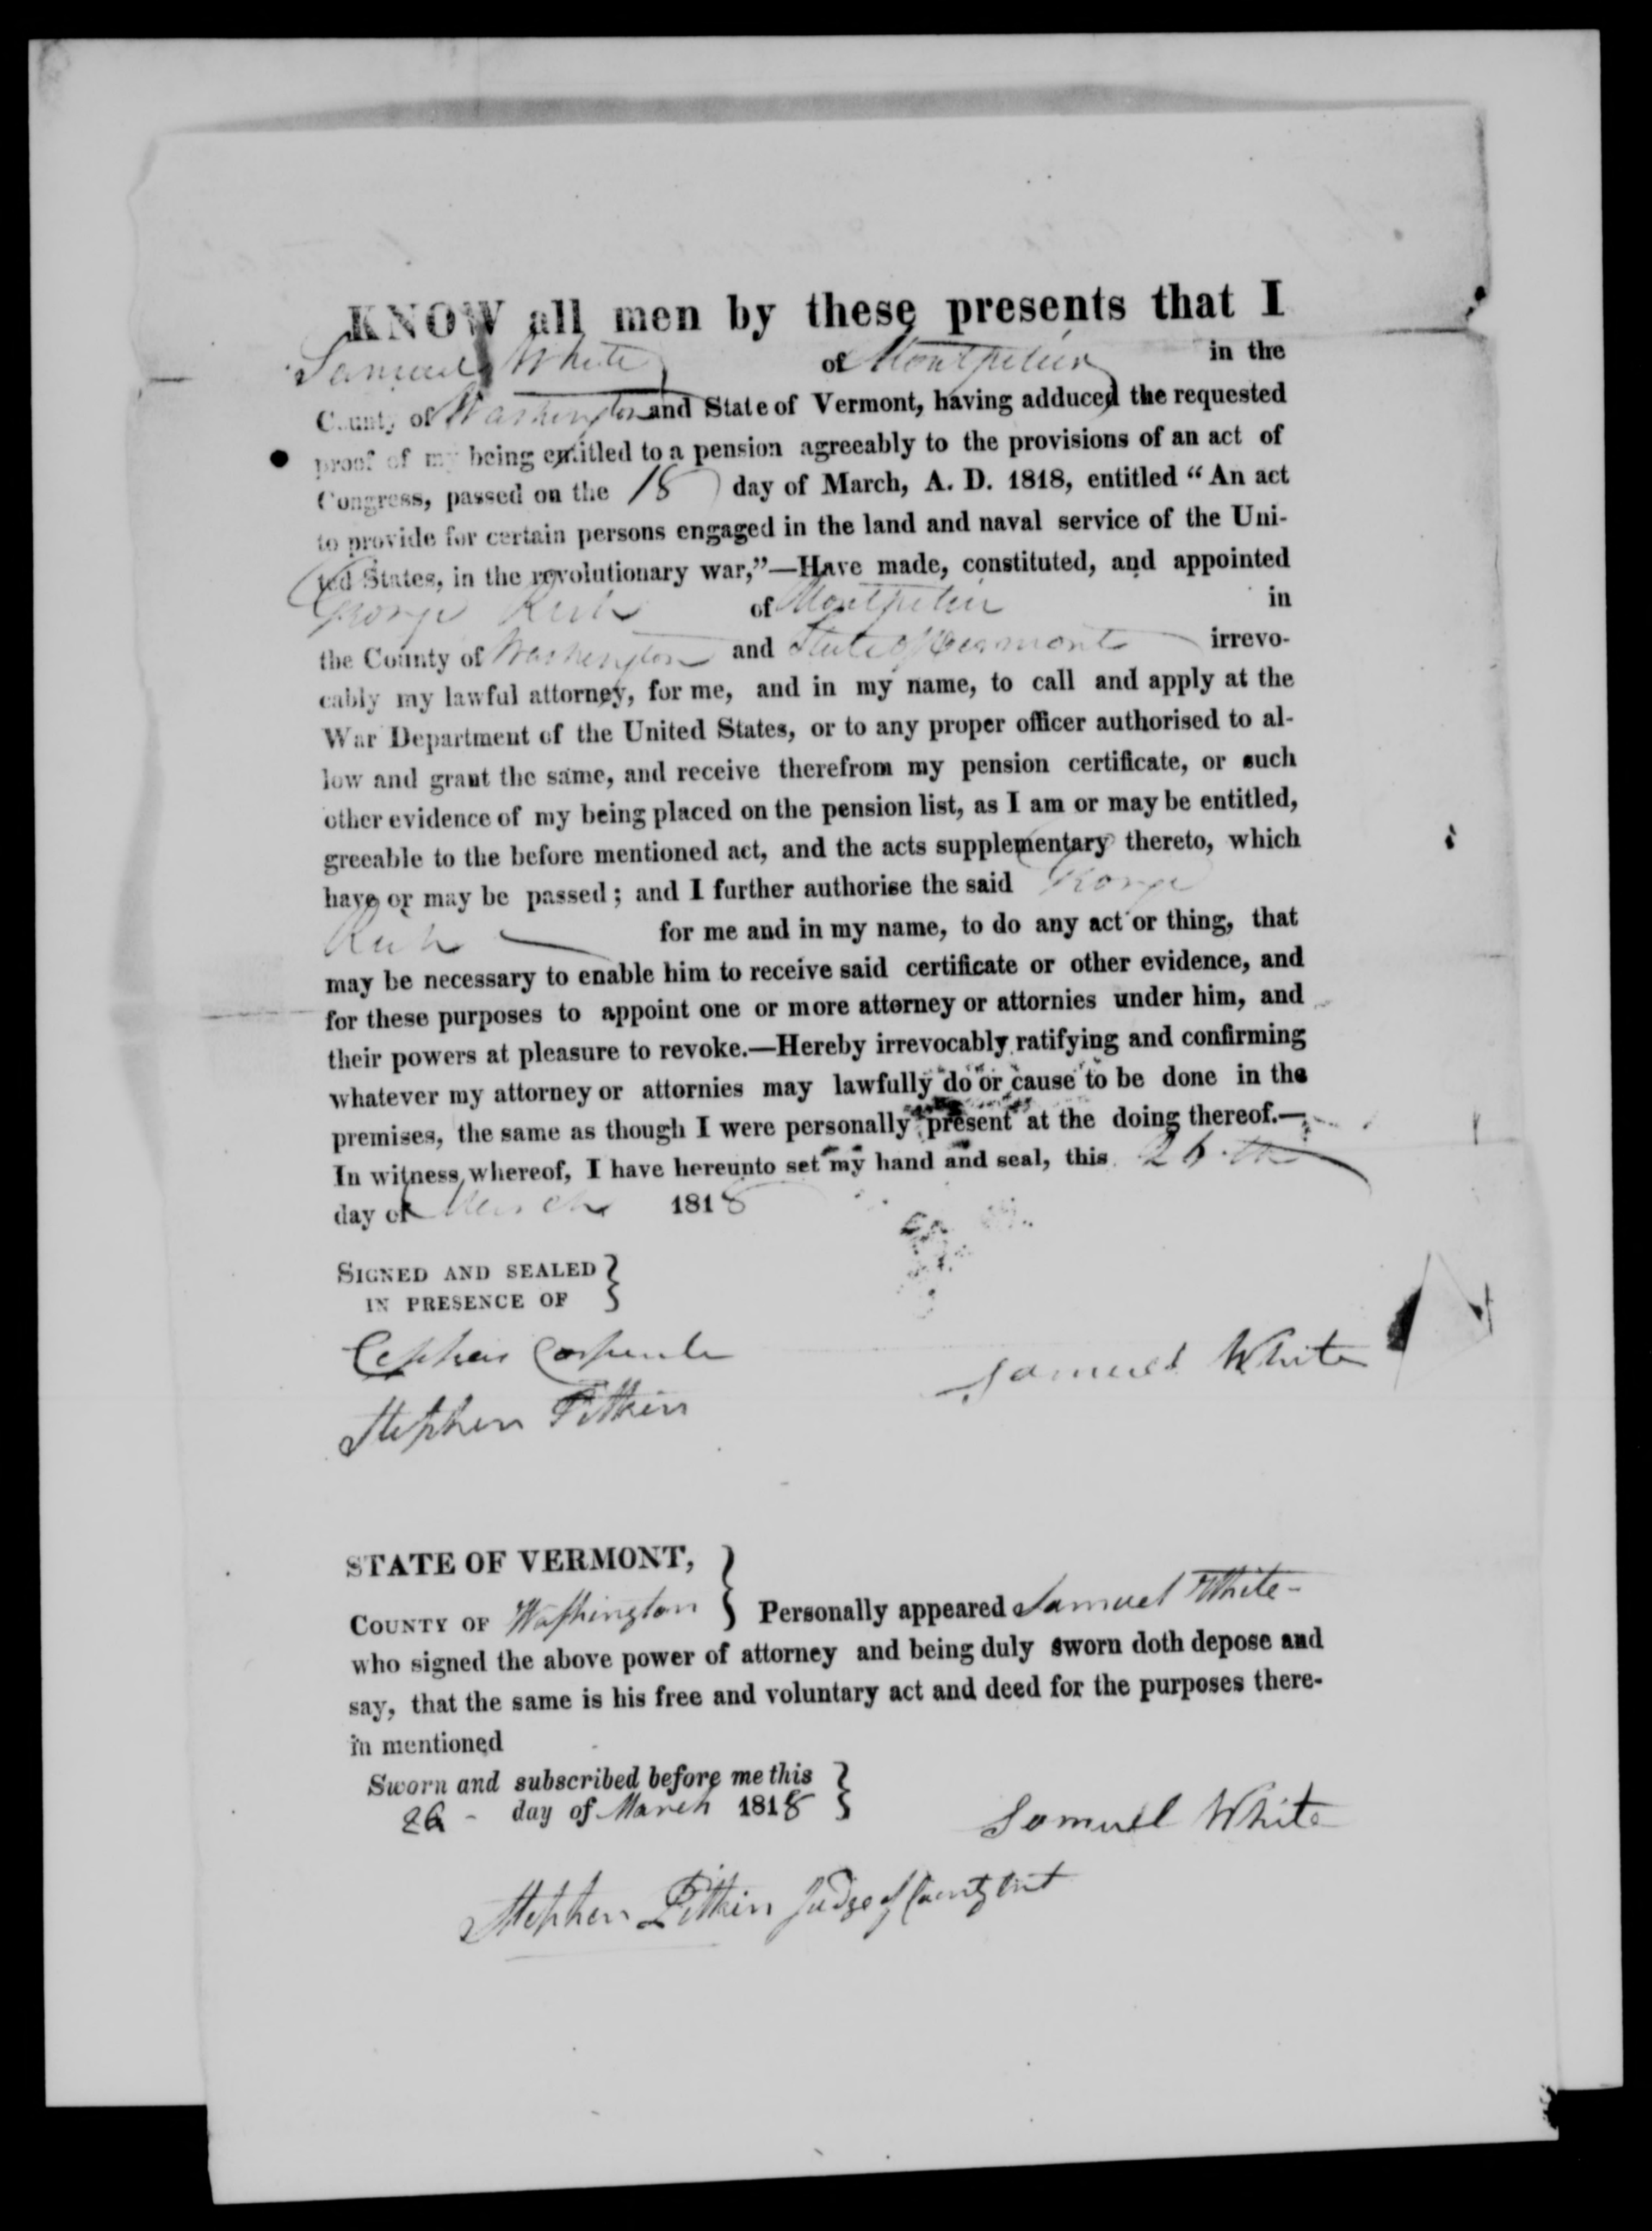KNOW all men by these presents that I Samuel White of Montpelier in the County of Washington and State of Vermont, have adduced the requested proof of my being entitled to a pension agreeably to the provisions of an act of Congress, passed on the 18 day of March, A. D. 1818, entitled "An act to provide for certain persons engaged in the land and naval service of the United States, in the revolutionary war," Have made, constituted, and appointed George Rich of Montpelier in the County of Washington and State of Vermont irrevocably my lawful attorney, for me, and in my name, to call and apply at the War Department of the United States, or to any proper officer authorised to allow and grant the same, and receive therefrom my pension certificate, or such other evidence of my being placed on the pension list, as I am or may be entitled, greeable to the before mentioned act, and the acts supplementary thereto, which have or may be passed; and I further authorise the said George Rich for me and in my name, to do any act or thing, that may be necessary to enable him to receive said certificate or other evidence, and for the purposes to appoint one or more attorney or attornies under him, and their powers at pleasure to revoke. Hereby irrevocably ratifying and confirming whatever my attorney or attornies may lawfully do or cause to be done in the premises, the same as though I were personally present at the doing thereof. In witness whereof, I have hereunto set  my hand and seal this 26th day of March 1818.
Samuel White
Signed & Sealed in  Presence of
 Cephas Carpenter
Stephen Pitkin

State of Vermont
County of Washington Personally appeared Samuel White who signed the above power of attorney and being duly sworn doth depose and say, that the same is his free and voluntary act and deed for the purpose therein mentioned.
Sworn and subscribed before me this 26th day of March 1818
Samuel White
Stephen Pitkin Judge of County Court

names: Samuel White, Cephus Carpenter, Stephen Pitkin, George Rich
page: 6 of 79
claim: survivor's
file: S. 11759, Samuel White, Mass.